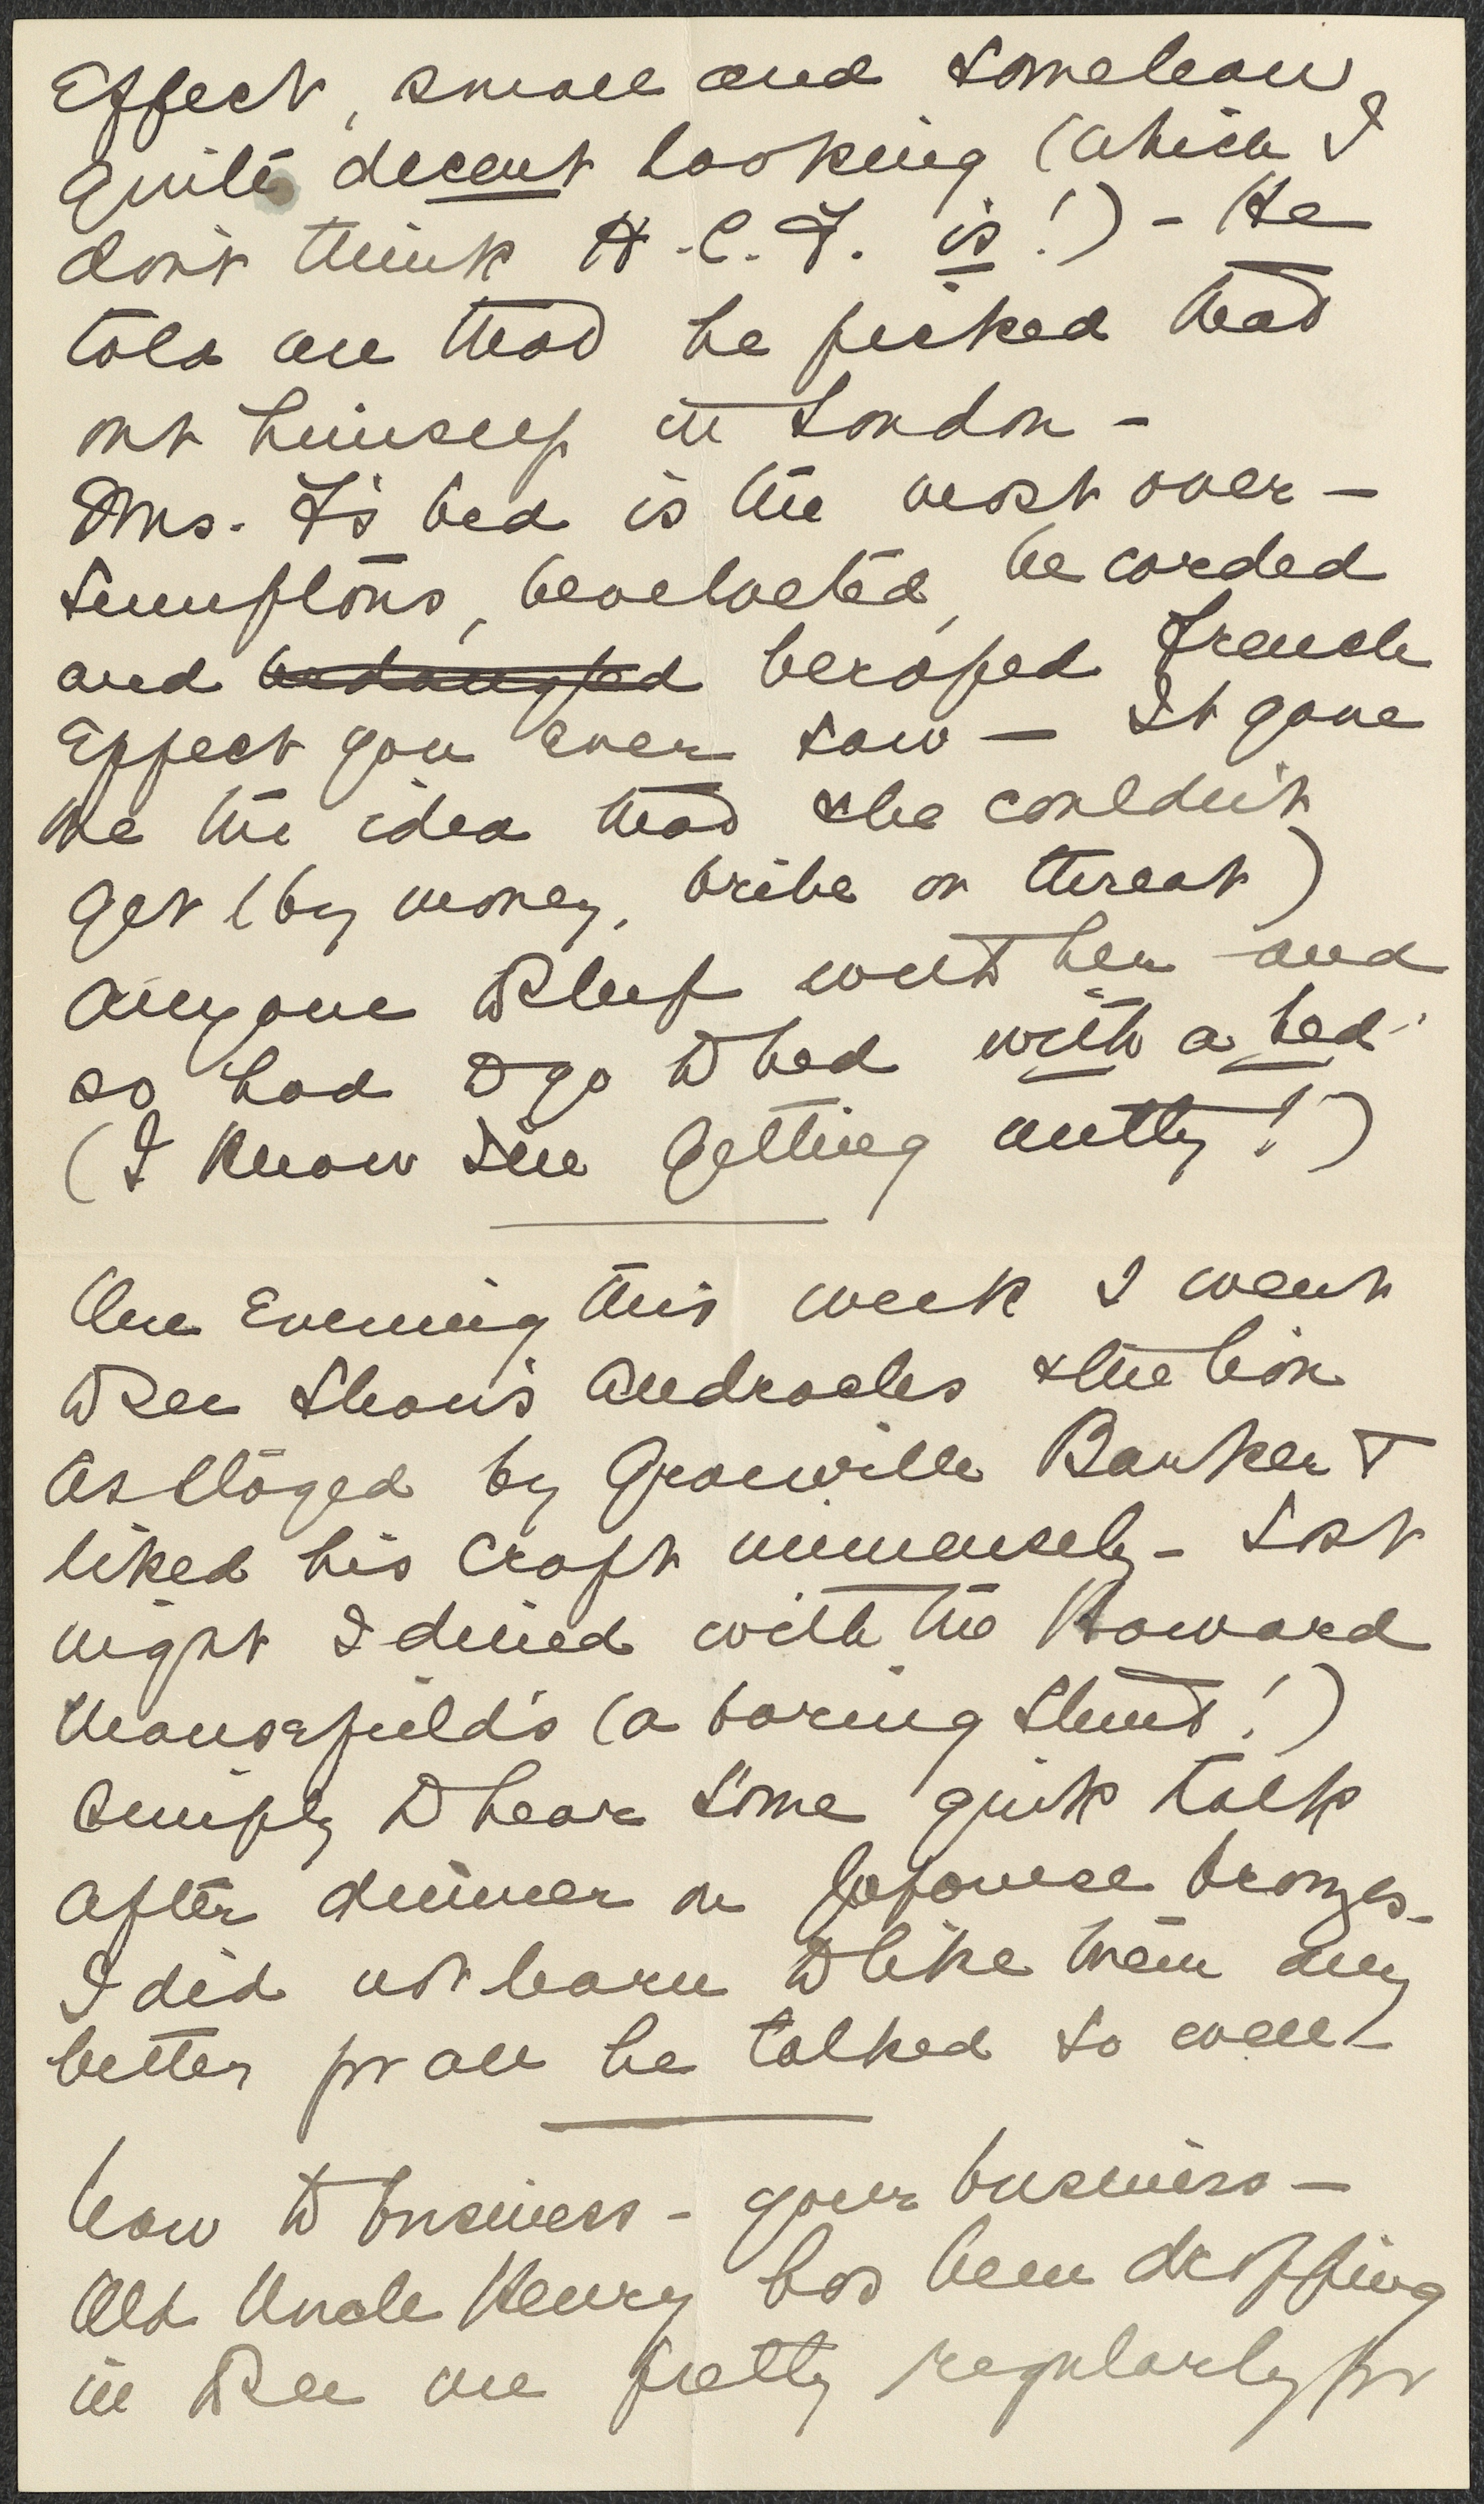effect small and somehow quite decent looking (which I don’t think H.C.F. is!) – He told me that he picked that out himself in London – Mrs. F’s bed is the most over sumptuous, bevelveted, becorded, and bedangled beroped French effect you ever saw – it gave me the idea that she couldn’t get (by money, bribe or threat) anyone to sleep with her and so had to go to bed with a bed (I know I’m getting nutty)
One evening this week I went to see the Shaw’s Androcles and the Lion as staged by Granville-Barker & liked his craft immensely – last night I dined with the Howard Mansfield’s (a boring stunt) simply to hear some quick talk after dinner on Japanese bronzes. I did not learn to like them any better for all he talked so well –
now to business – your business – Old Uncle Henry has been dropping in to see me pretty regularly for